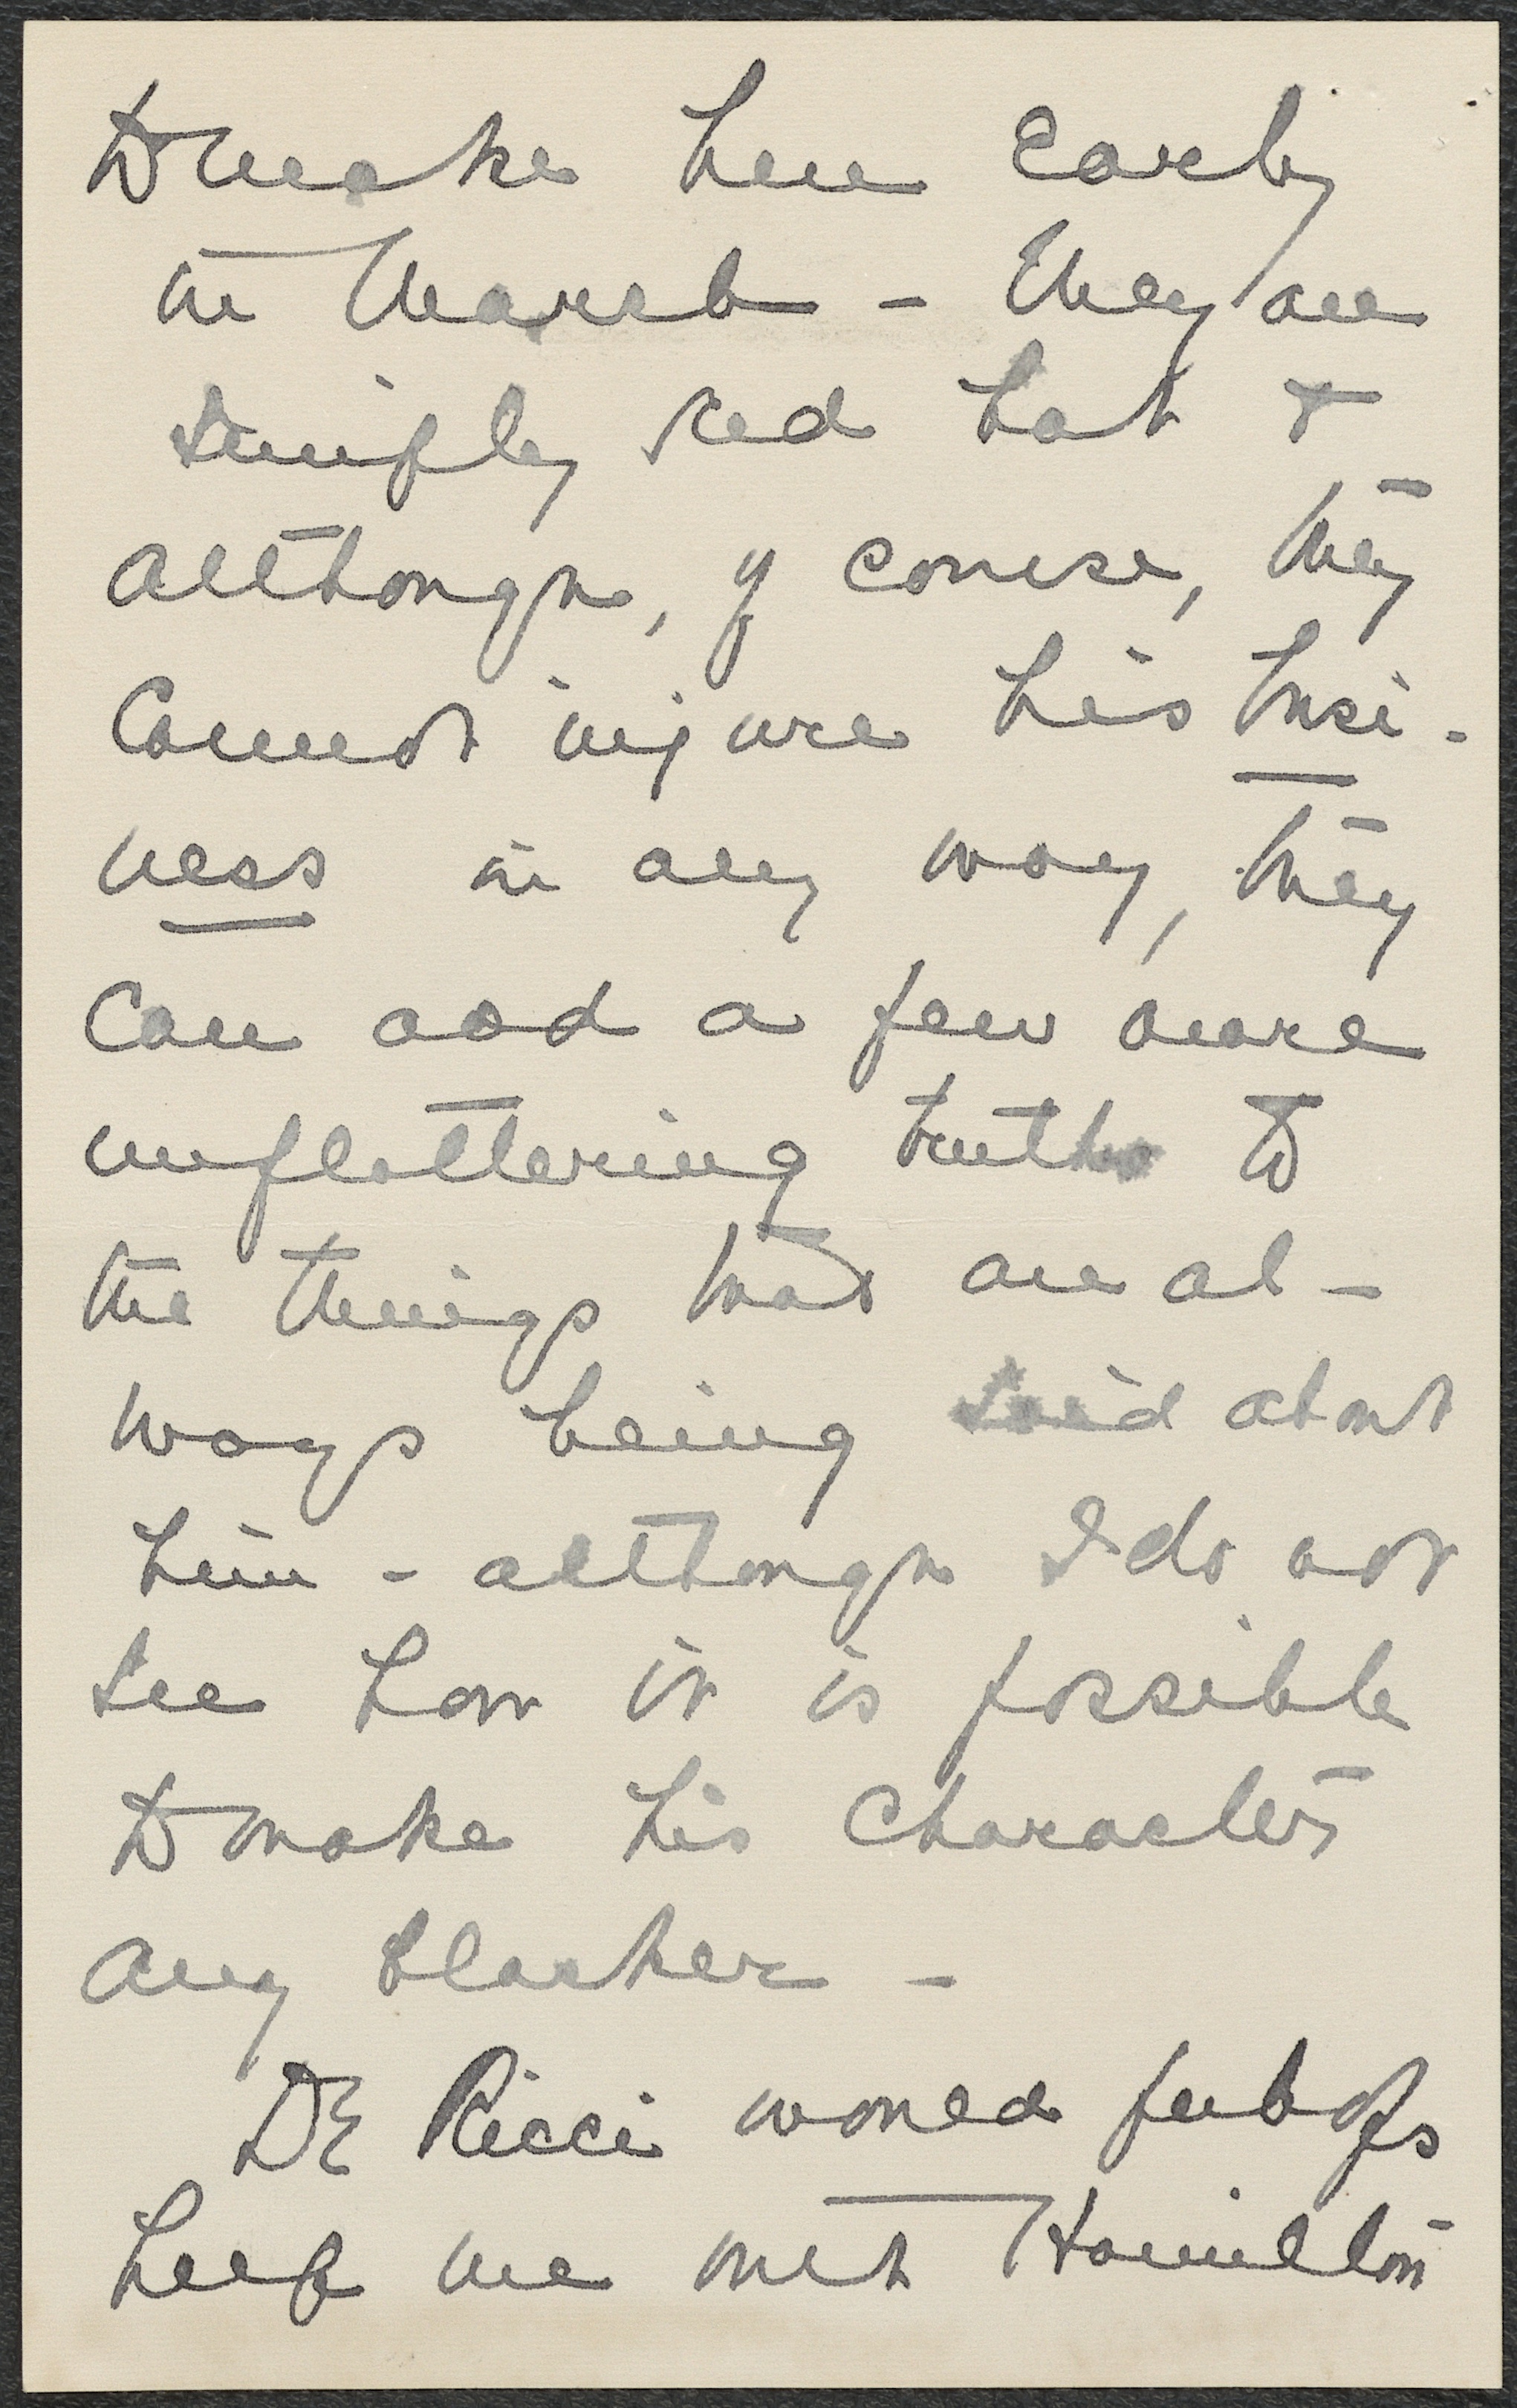to make here early in March – They are simply red hot & although, of course, they cannot injure his business in any way, they can add a few more unflattering truths to the things that are always being said about him – although I do not see how it is possible to make his character any blacker –
De Ricci would perhaps help me with Hamilton